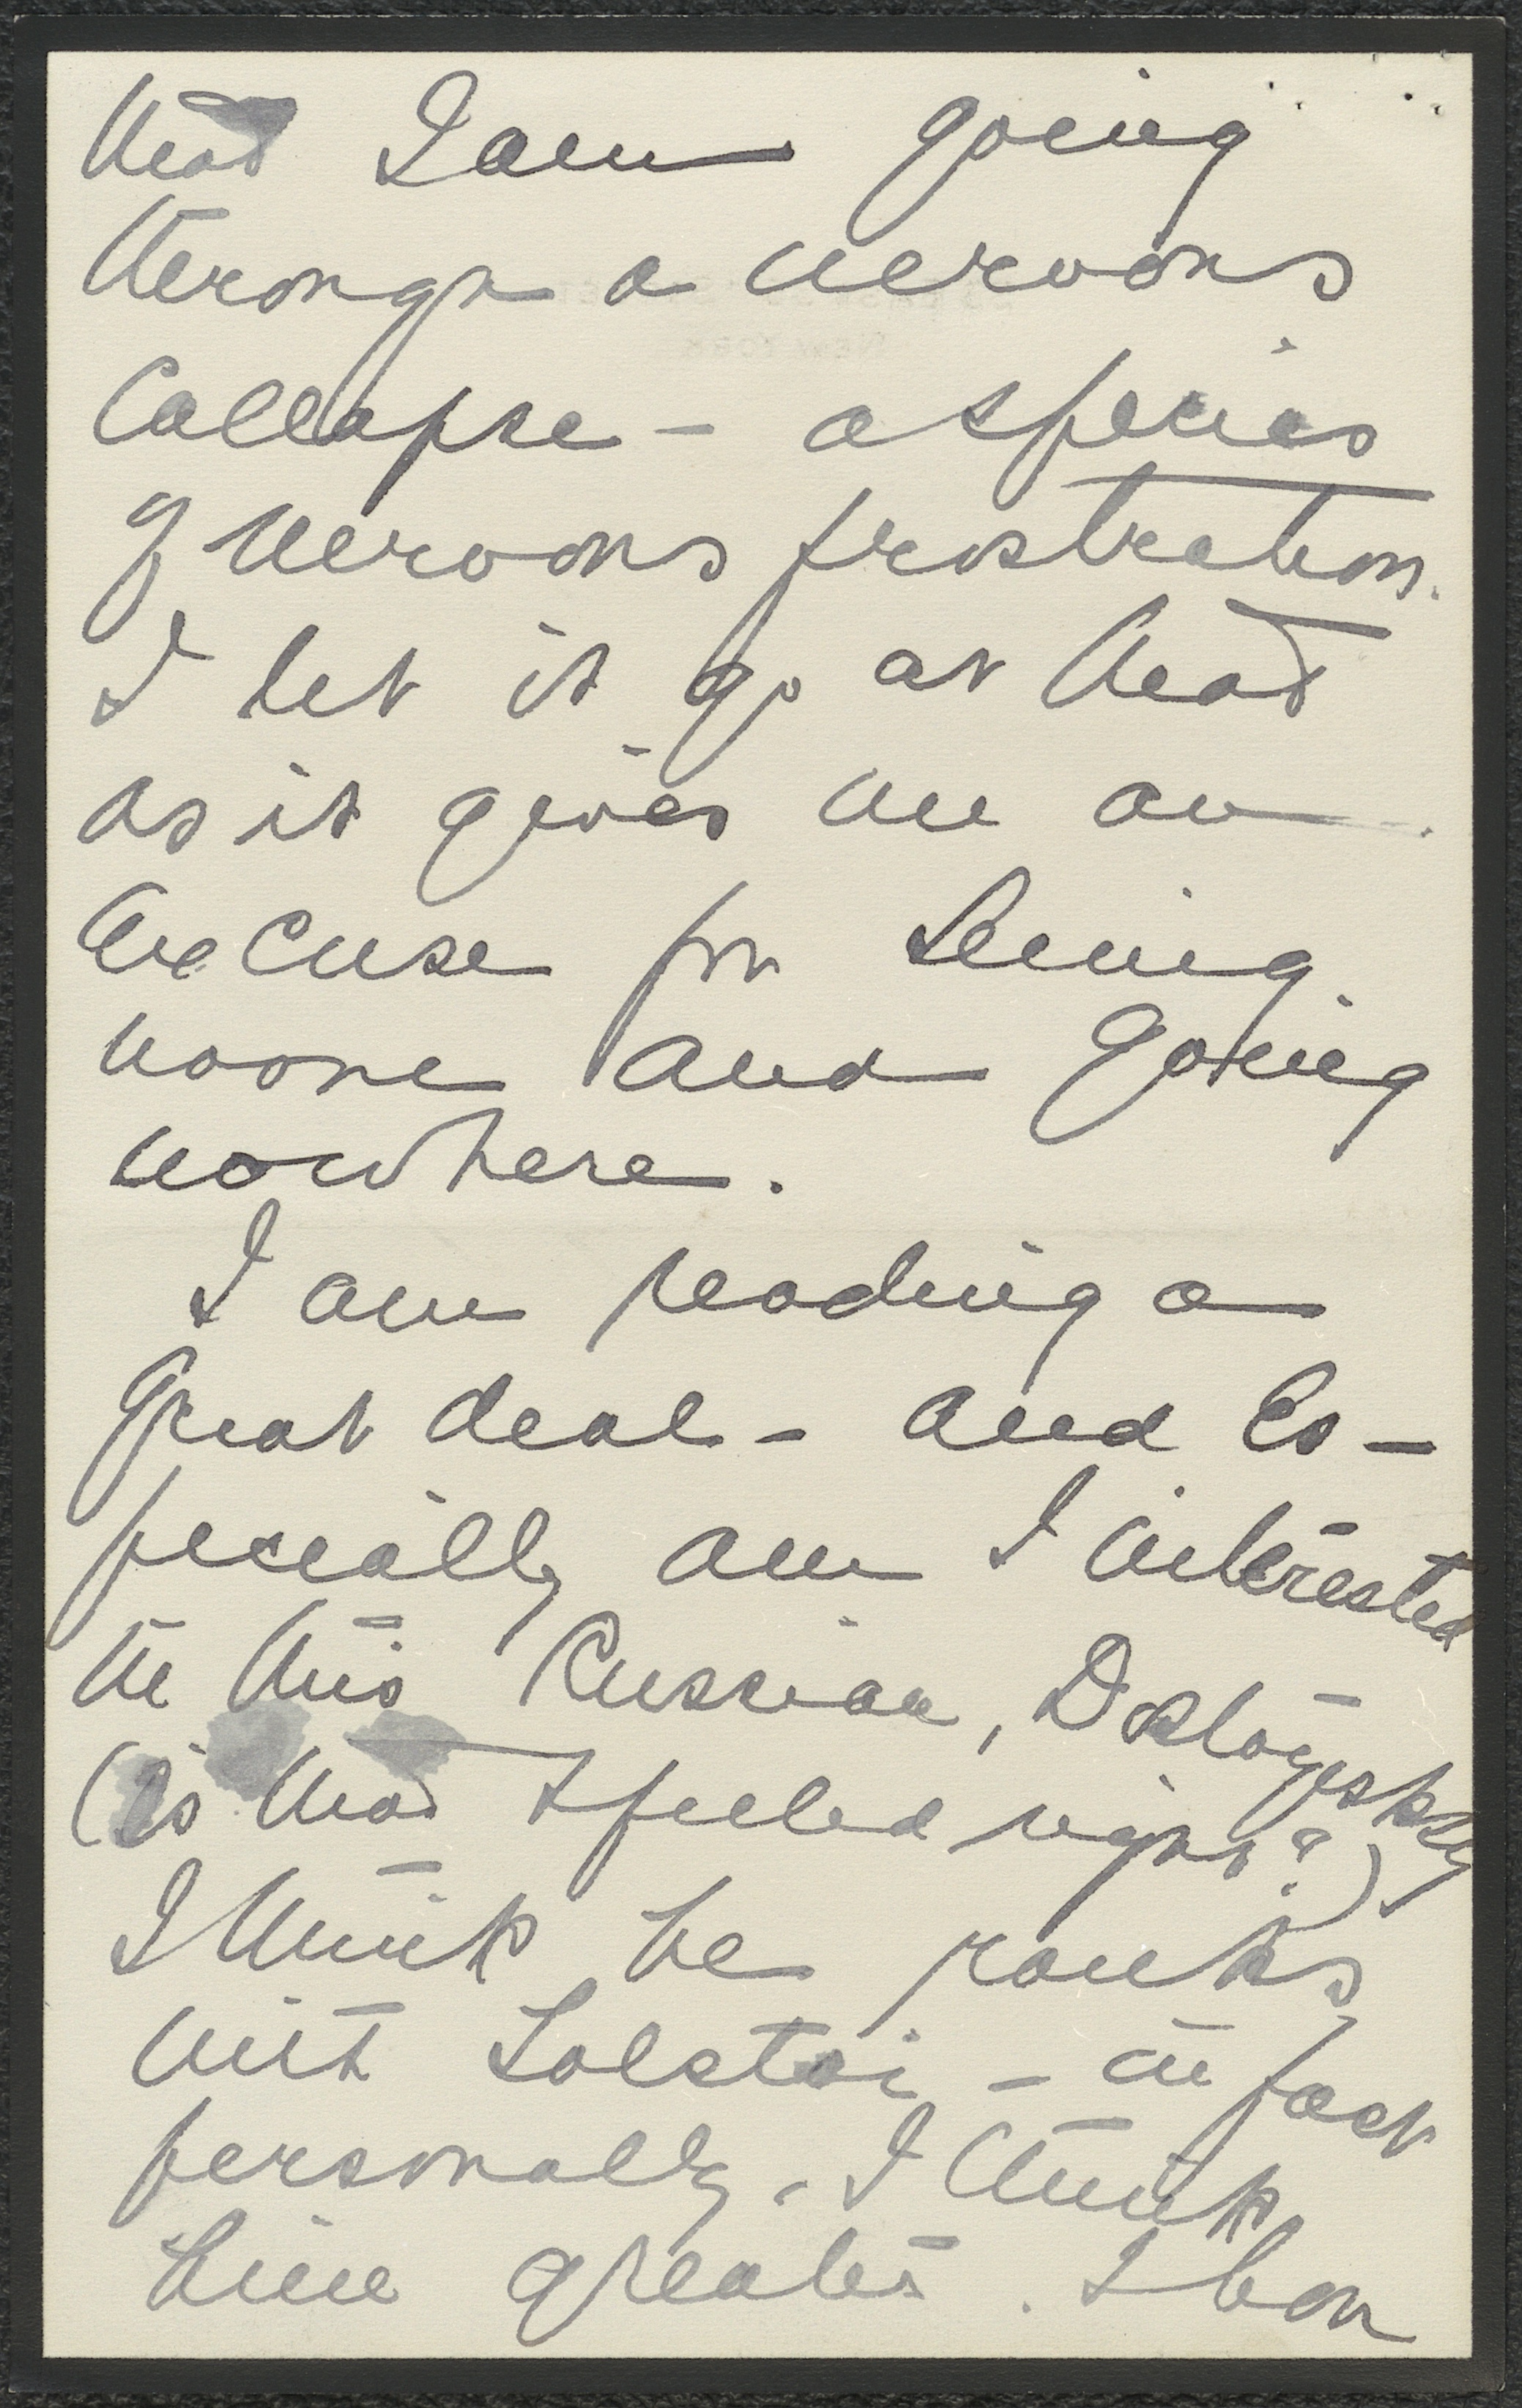that I am going through a nervous collapse – a species of nervous prostration. I let it go at that as it gives me an excuse for seeing noone [sic] and going nowhere.
I am reading a great deal – and especially am I interested in this Russian, Dostoevsky (is that spelled right?) I think he ranks with Tolstoi – in fact personally, I think him greater. I have